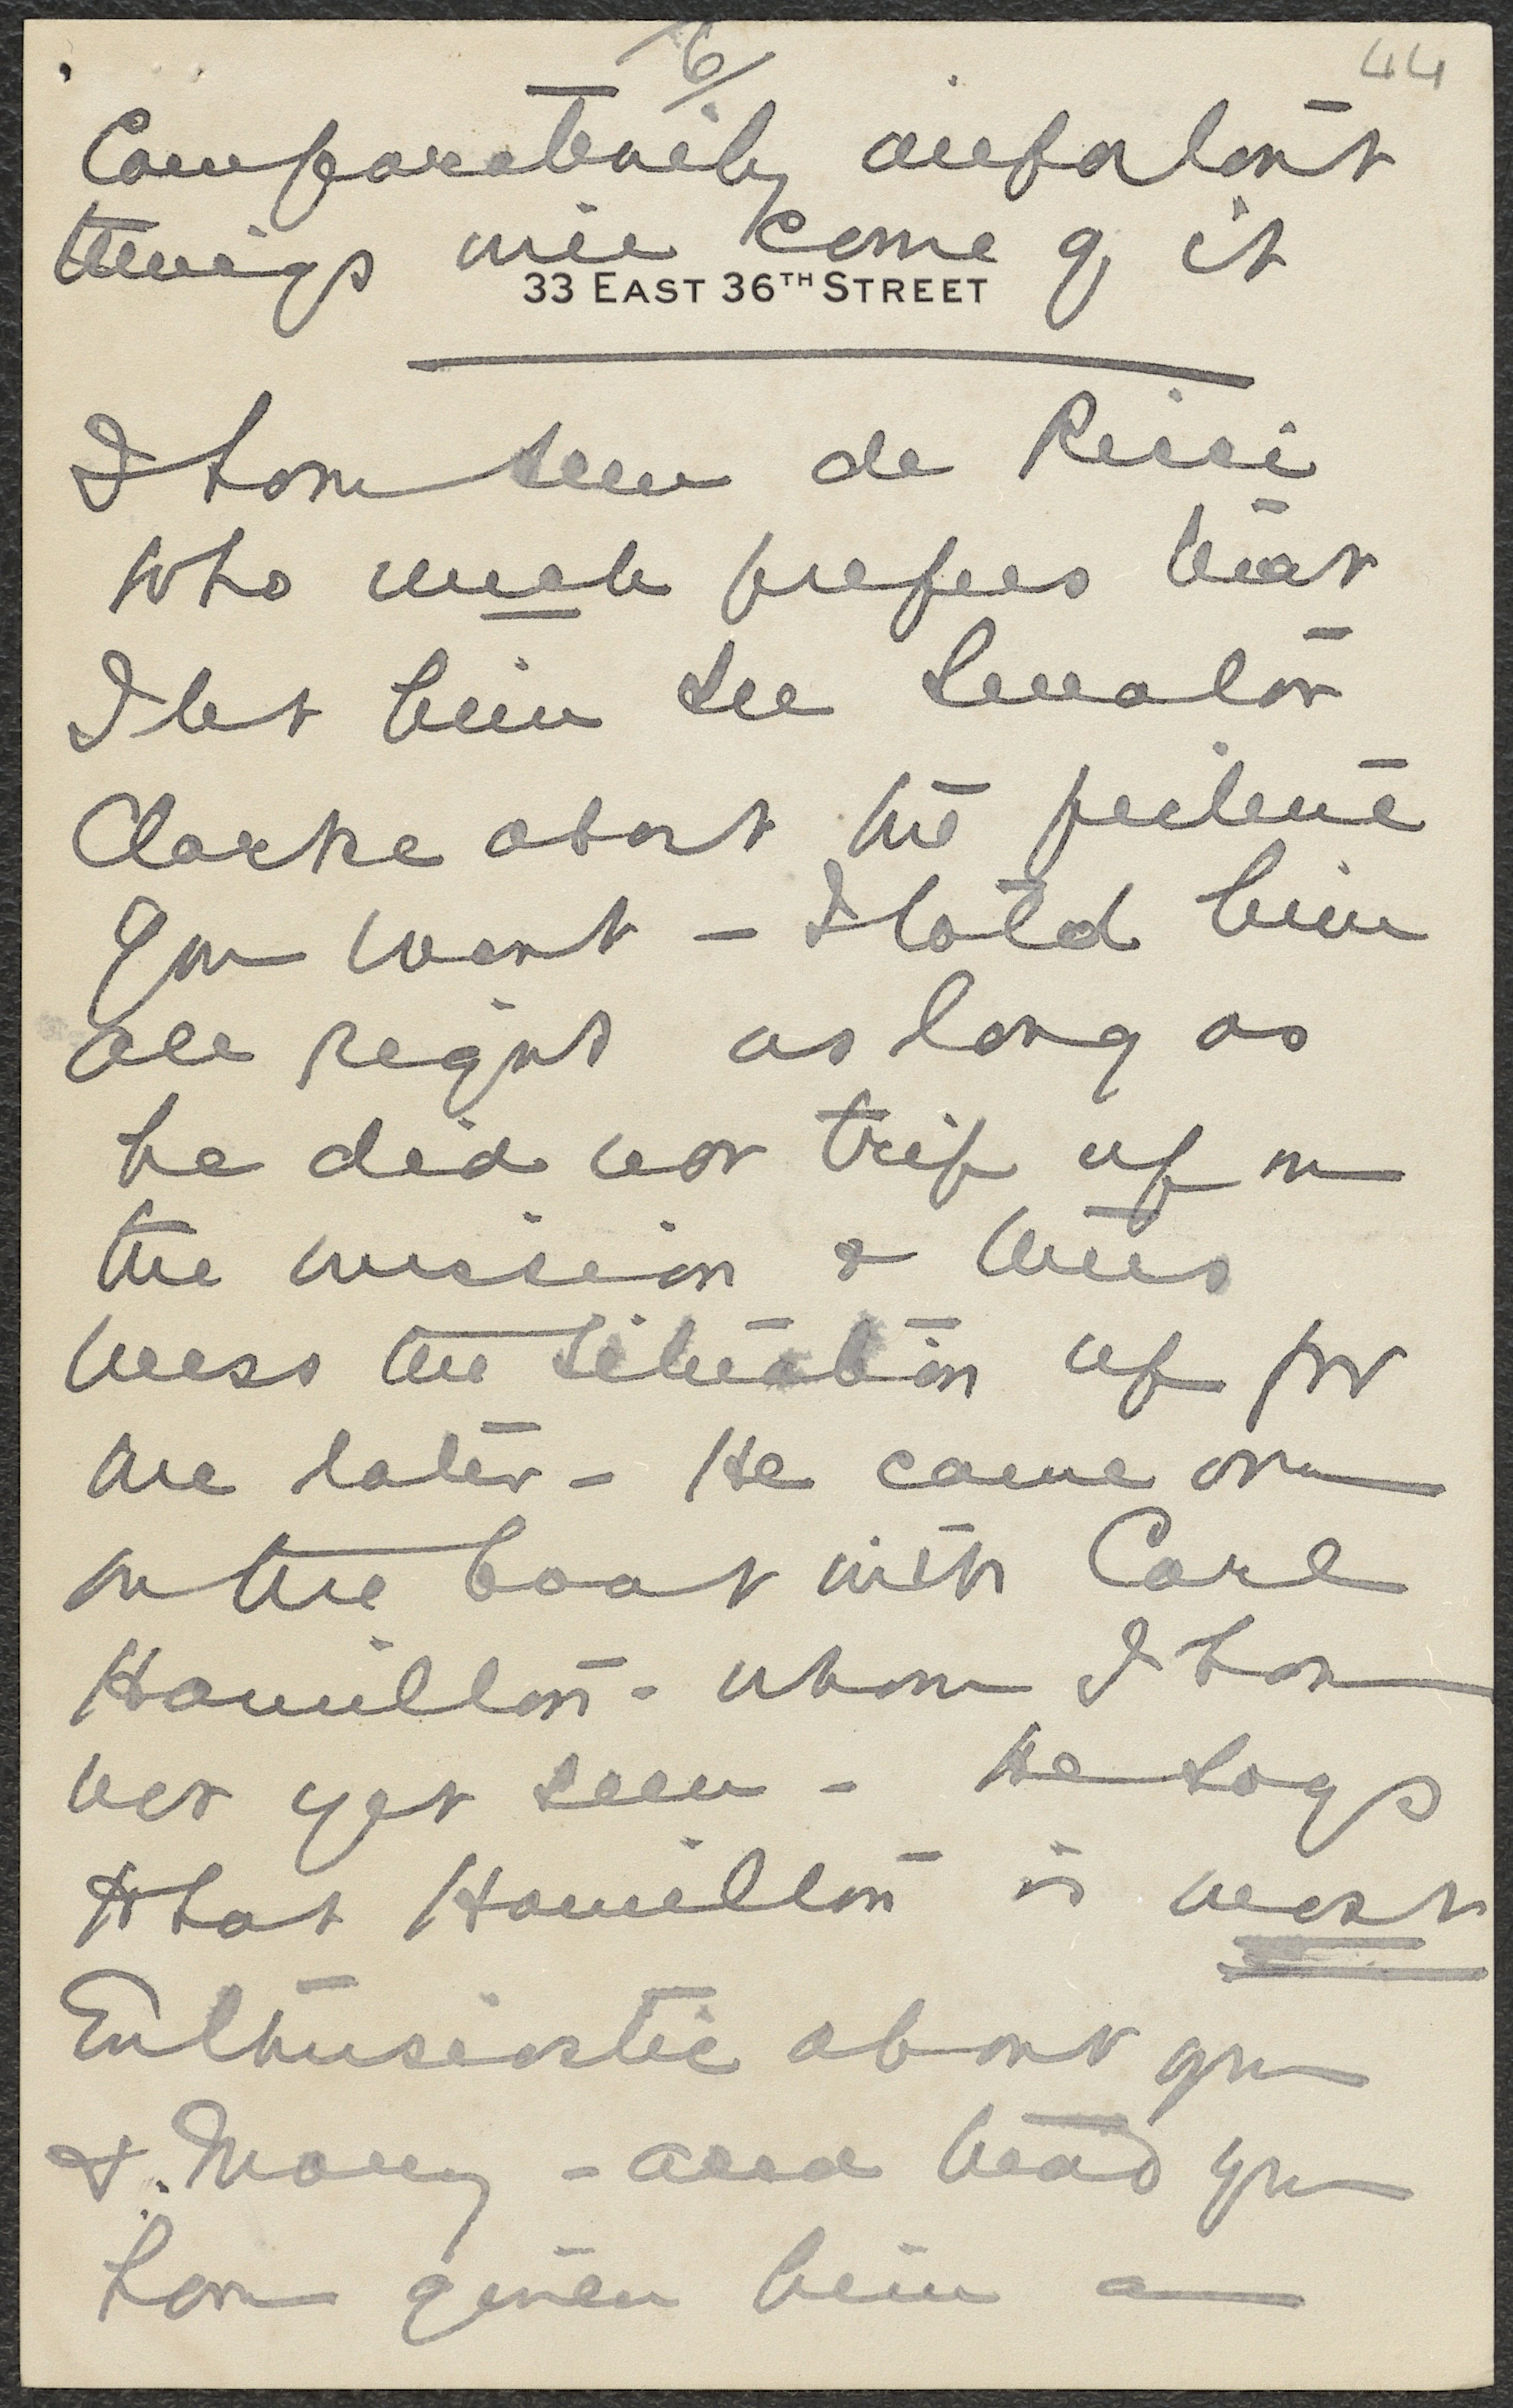comparatively important things will come of it
—
I have seen de Ricci who much prefers that I let him see Senator Clarke about the picture you want – I told him all right as long as he did not trip up on the mission & thus mess the situation up for me later – He came on on [sic] the boat with Carl Hamilton – whom I have not yet seen – He says that Hamilton is most enthusiastic about you & Mary – and that you have given him a